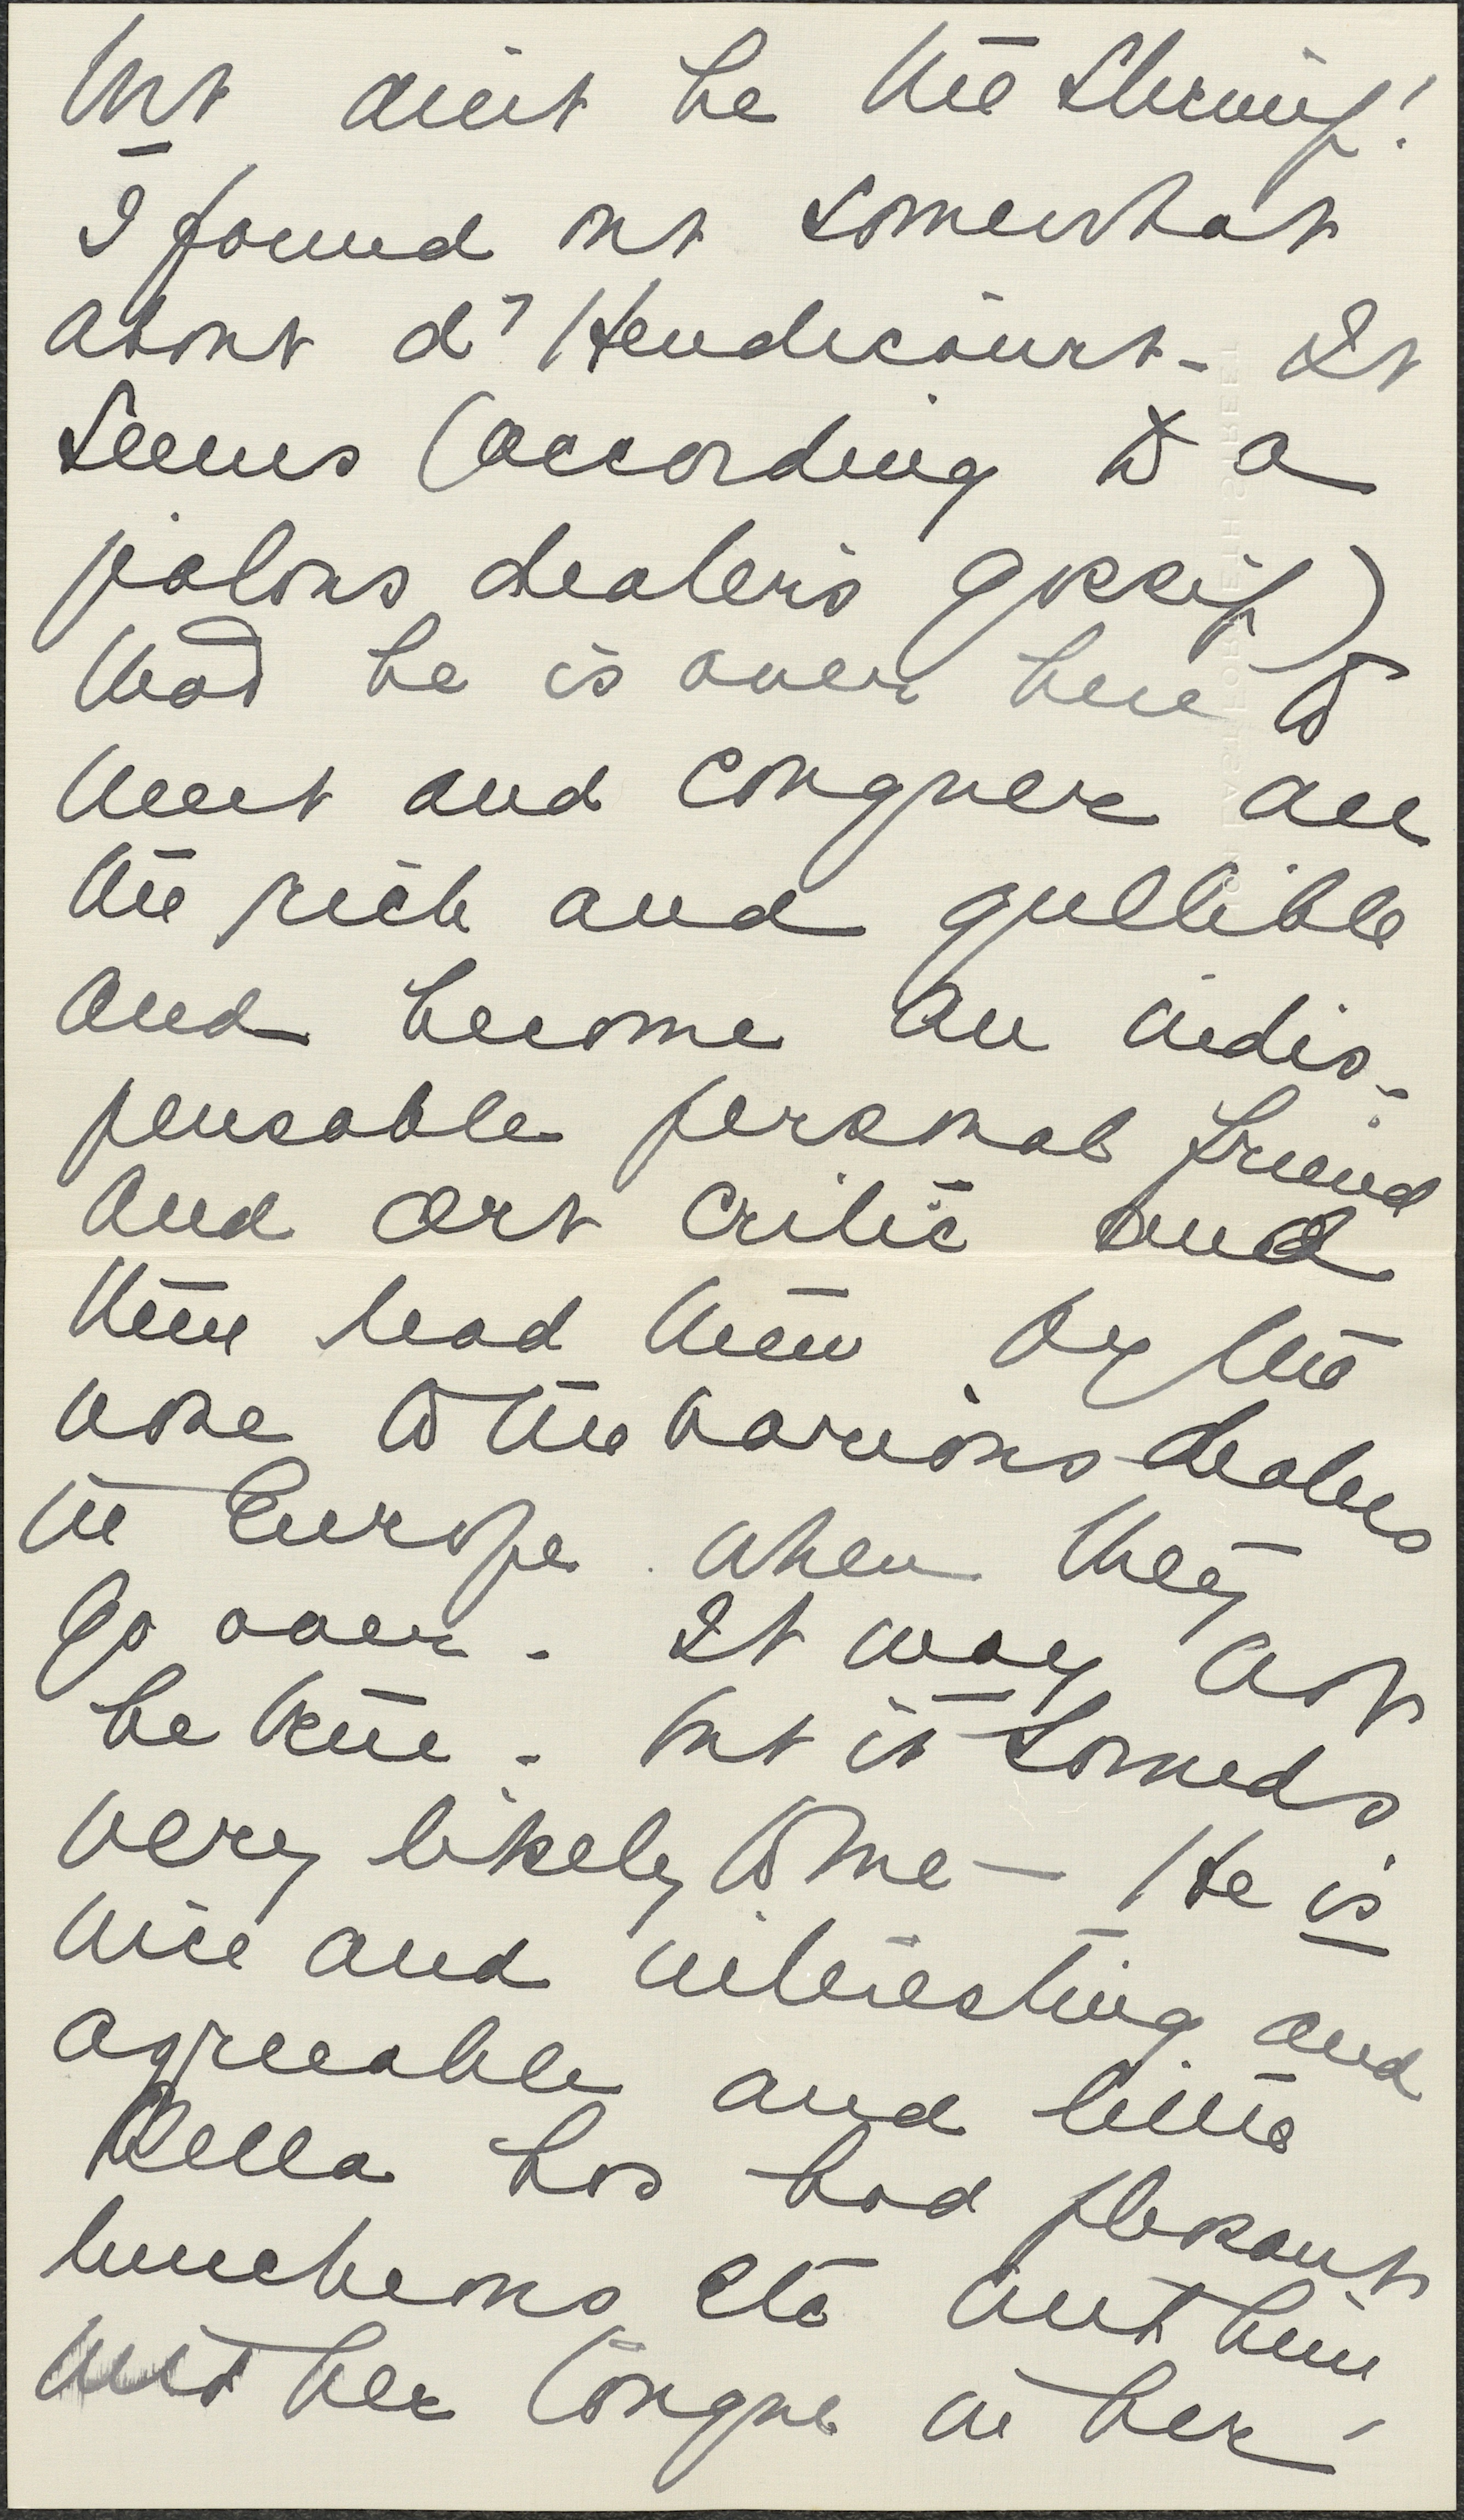but aint he the shrimp! I found out somewhat about d’Hendicourt [sic] – It seems (according to a jealous dealer’s gossip) that he is over here to meet and conquer all the rich and gullible and become an indispensable personal friend and art critic and then lead them by the nose to the various dealers in Europe when they go over – It may not be true – but it sounds very likely to me – He is nice and interesting and agreeable and little Bella has had pleasant luncheons etc with him, with her tongue in her